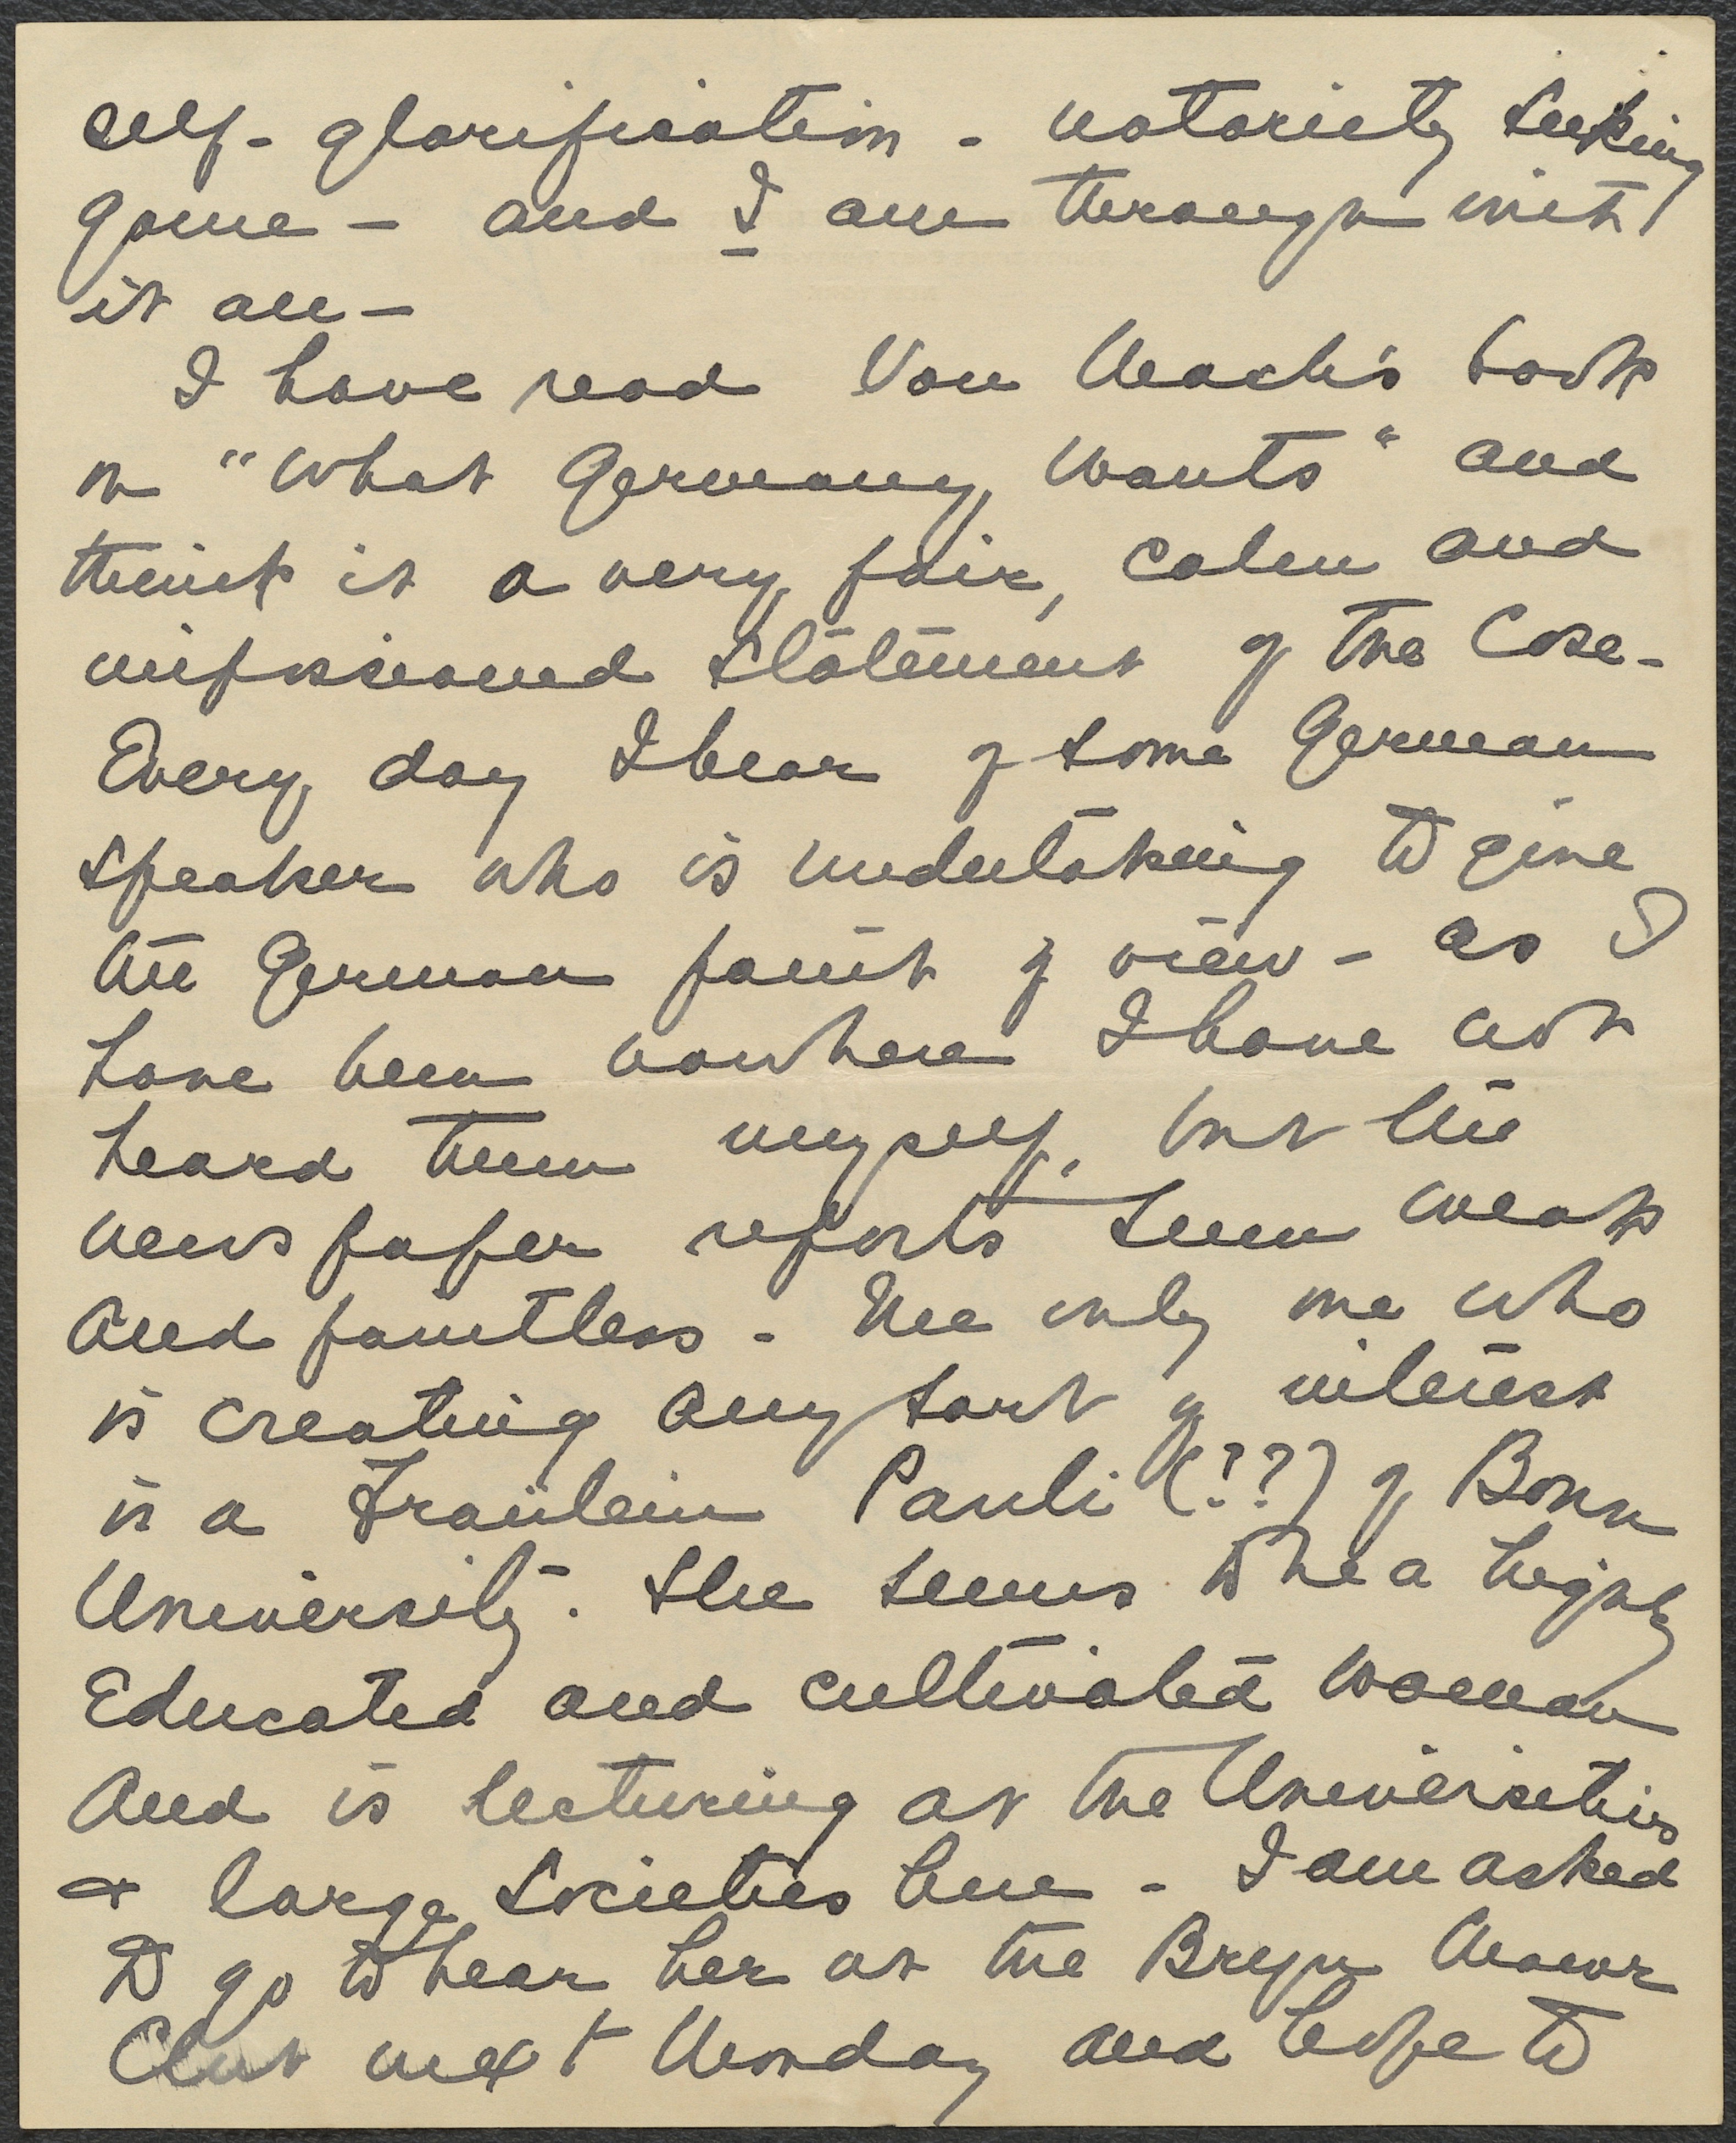self-glorification – notoriety seeking game – and I am through with it all –
I have read Von Mach’s book on “What Germany Wants” and think it is a very fair, calm and impassioned statement of the case – Every day I hear of some German speaker who is undertaking to give the German point of view – as I have been nowhere I have not heard them myself, but the newspaper reports seem weak and pointless – The only one who is creating any sort of interest in a Fraülein Pauli (??) of Bonn University. She seems to be a highly educated and cultivated woman and is lecturing at the Universities & large societies here – I am asked to go to hear her at the Bryn Mawr Club next Monday and hope to